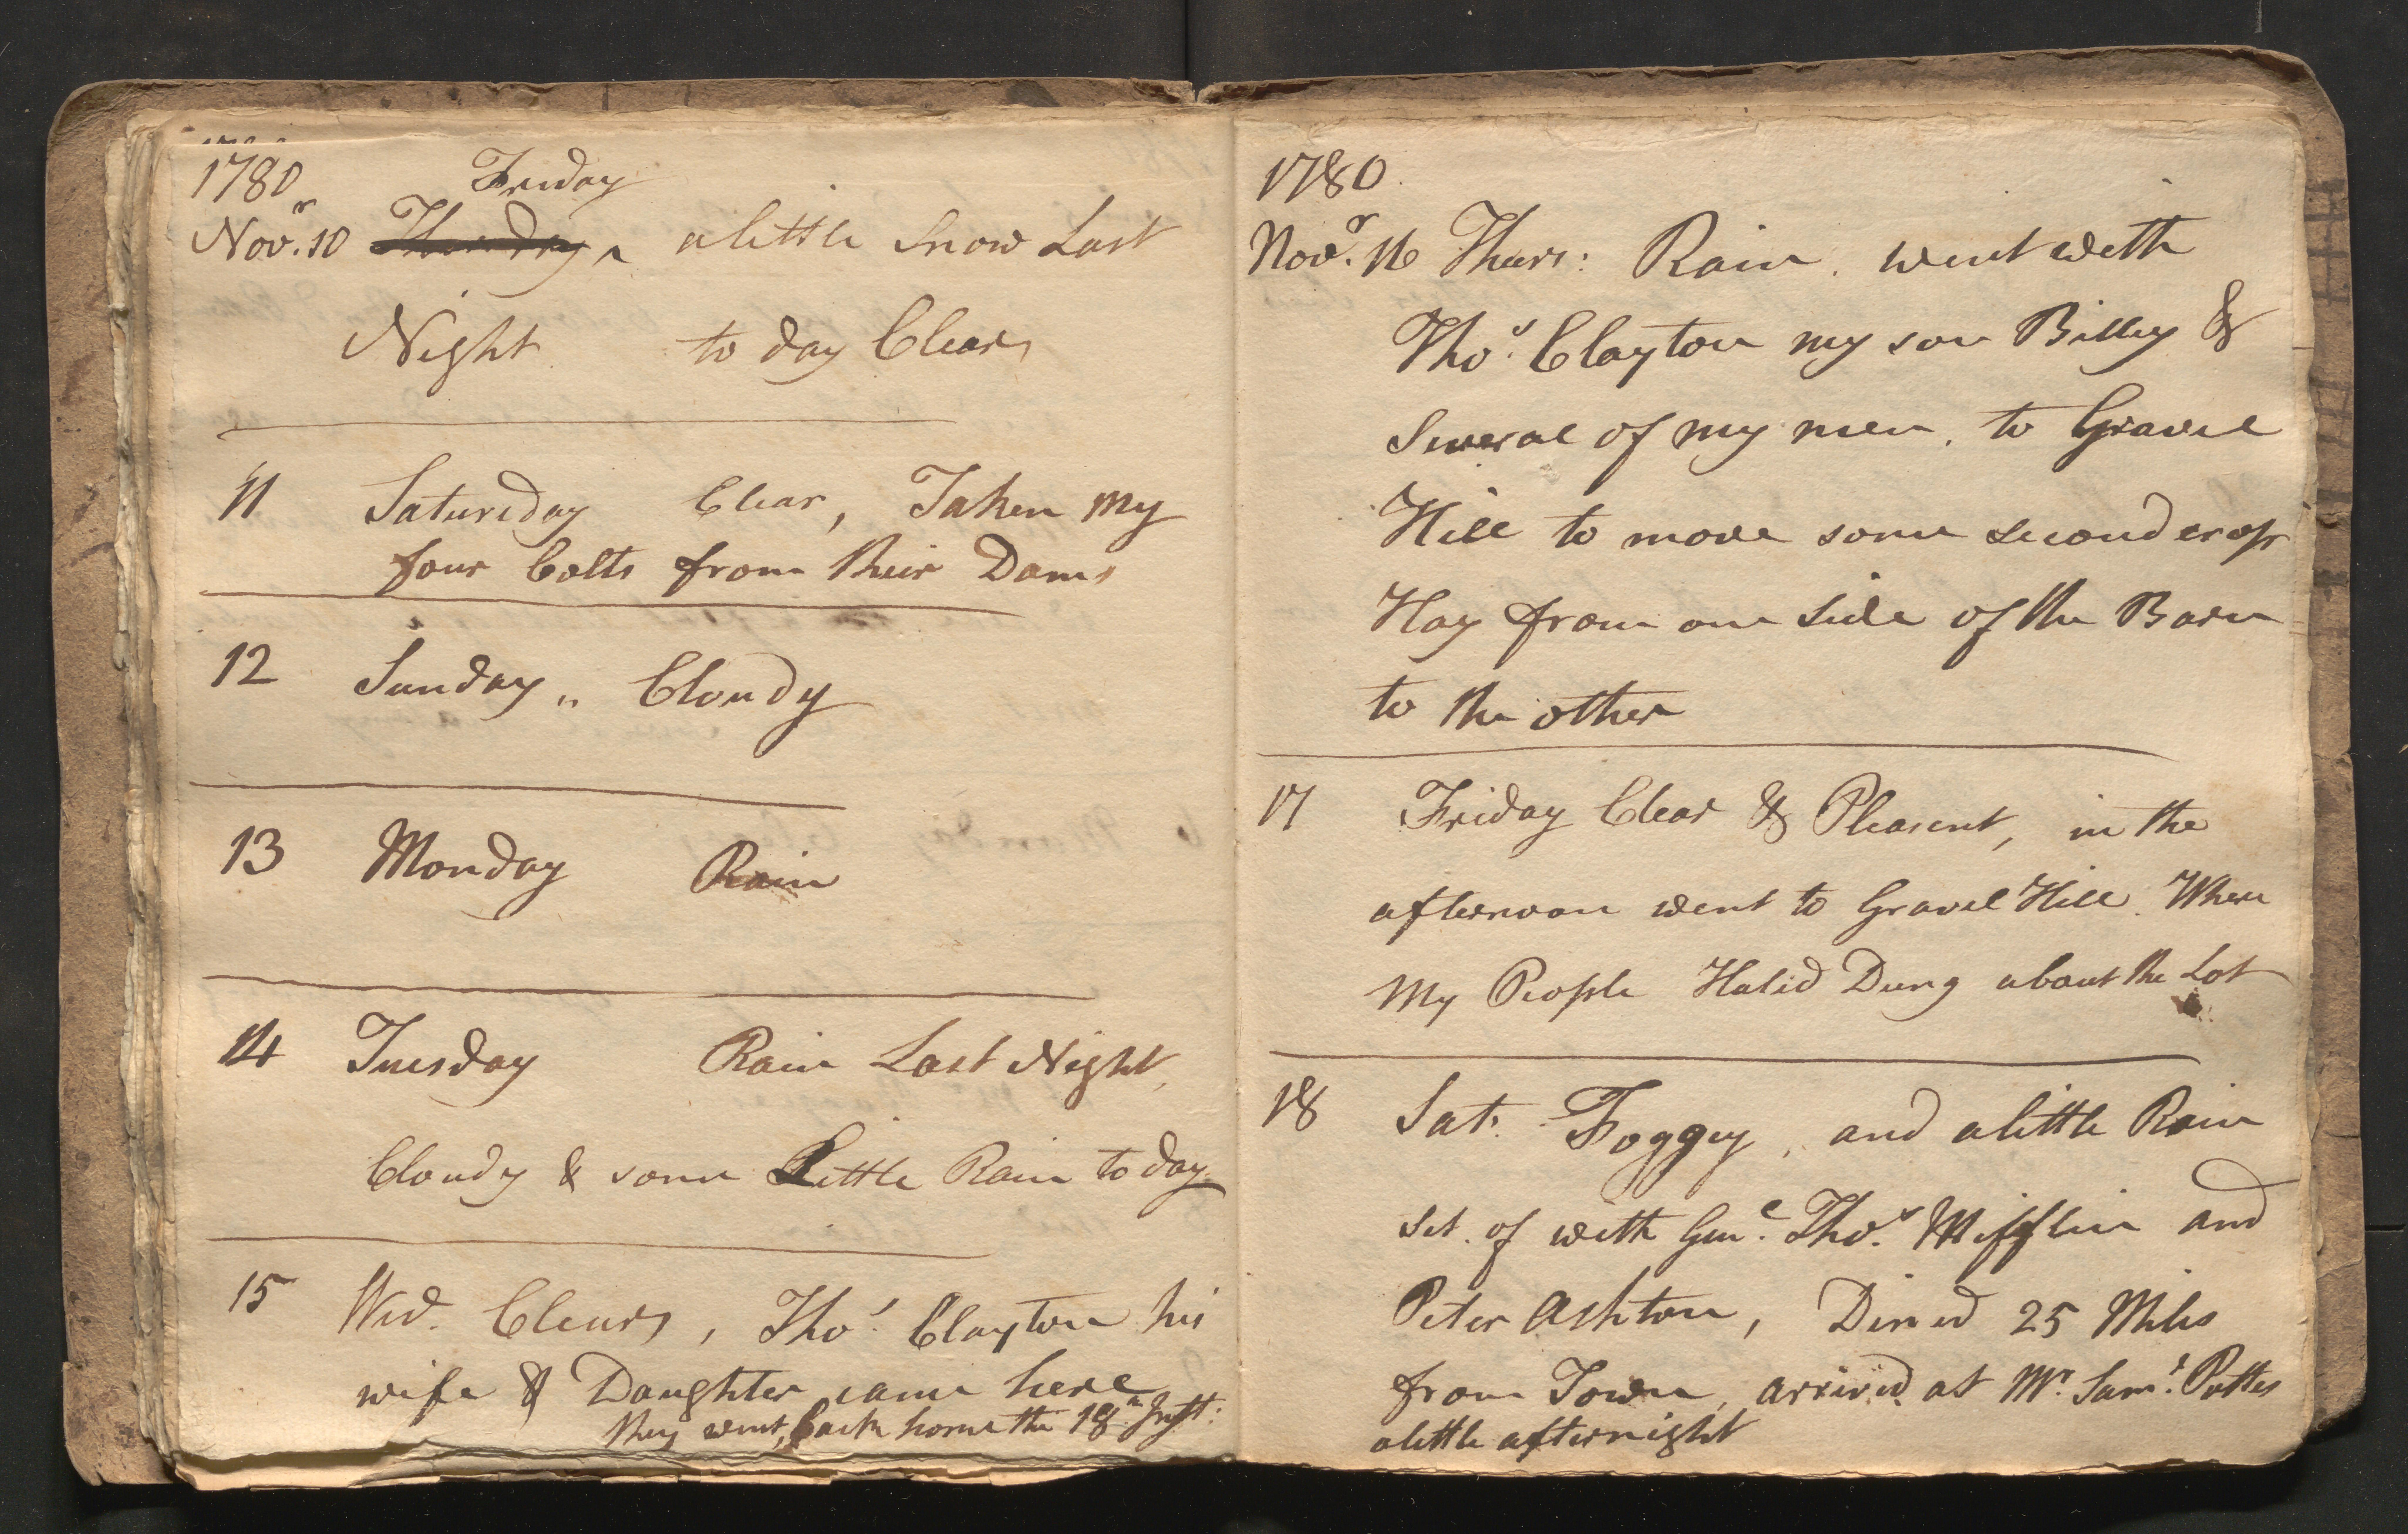1780
Friday
Nor. 10 [Thursday] ^ a little snow Last
Night to day Clear
11 Saturday Clear, Taken My
four Colts from their Dams
12 Sunday.. Cloudy
13 Monday Rain
14 Tuesday Rain Last Night
Cloudy & some Little Rain to day
15 Wed. Clear, Tho^s. Clayton his
wife & Daughter came here
they went back home the 18^th Ins^t:
1780
Nov^r. 16 Thars. Rain went with
Tho^s. Clayton my son Billey &
several of my men, to Gravel
Hill to move some second crop
Hay from one side of the Barn
to the other
17 Friday Clear & Pleasent in the
afternoon went to Gravel Hill Where
My People Haled Dung about the Lot
18 Sat Foggey and a little Rain
set of with Gen^l. Tho^s. Mifflin and
Peter Ashton, Dined 25 Miles
from Town, arrived at M^r. Sam^l. Puttes
a little afternight